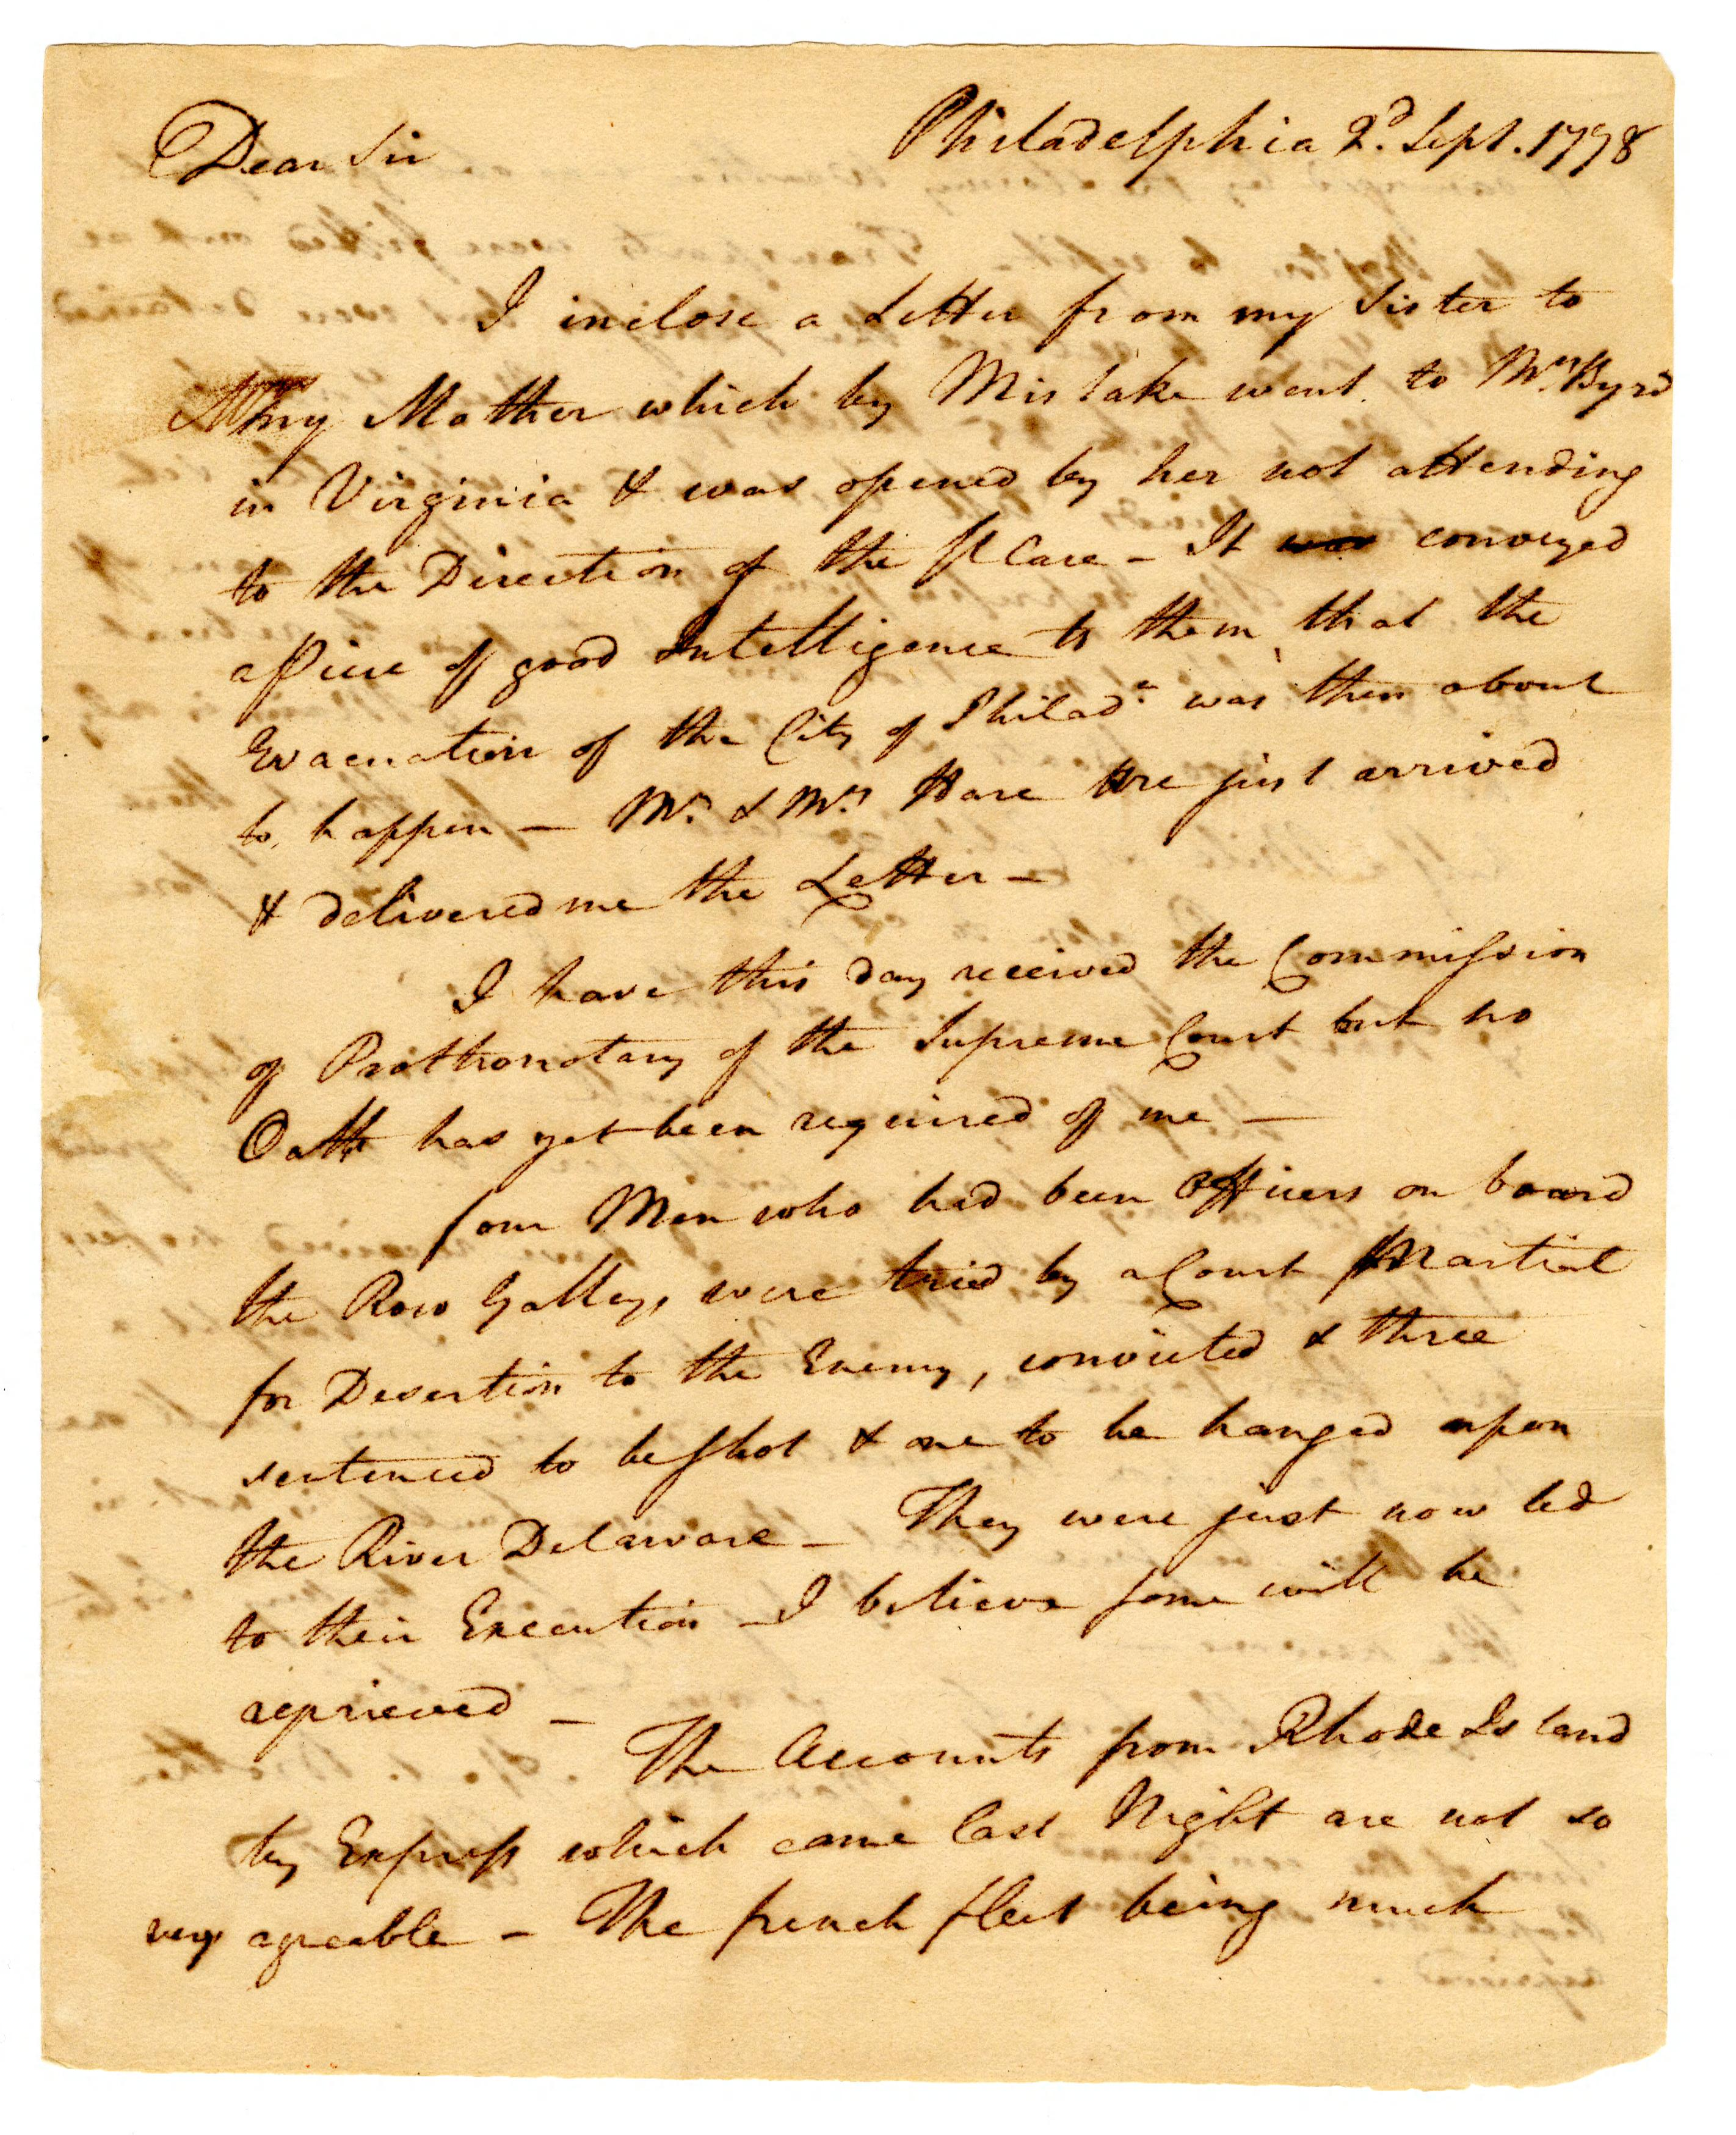Philadelphia 2^d. Sept. 1778
Dear Sir
I inclose a Letter from my Sister to
my Mother which by Mistake went to M^r. Byrd
in Virginia & was opened by her not attending
to the Direction of the P Care. It was conveyed
a Piece of good Intelligence to them that the
Evacuation of the City of Philad^a. was then about
to happen. M^r. & M^rs. Hare are just arrived
& delivered me the Letter.
I have this day received the Commission
of Prathonotary of the Supreme Court but no
Oath has yet been required of me.
four Men who had been Officers on board
the Roco Galleys were tried by a Court Martial
for Desertion to the Enemy, convicted & three
sentenced to be shot & are to be hanged upon
the River Delaware. They were just now led
to their Execution. I believe some will be
reprieved.
The Accounts from Rhode Island
by Express which came last Night are not so
very agreable. The peach fleet being much